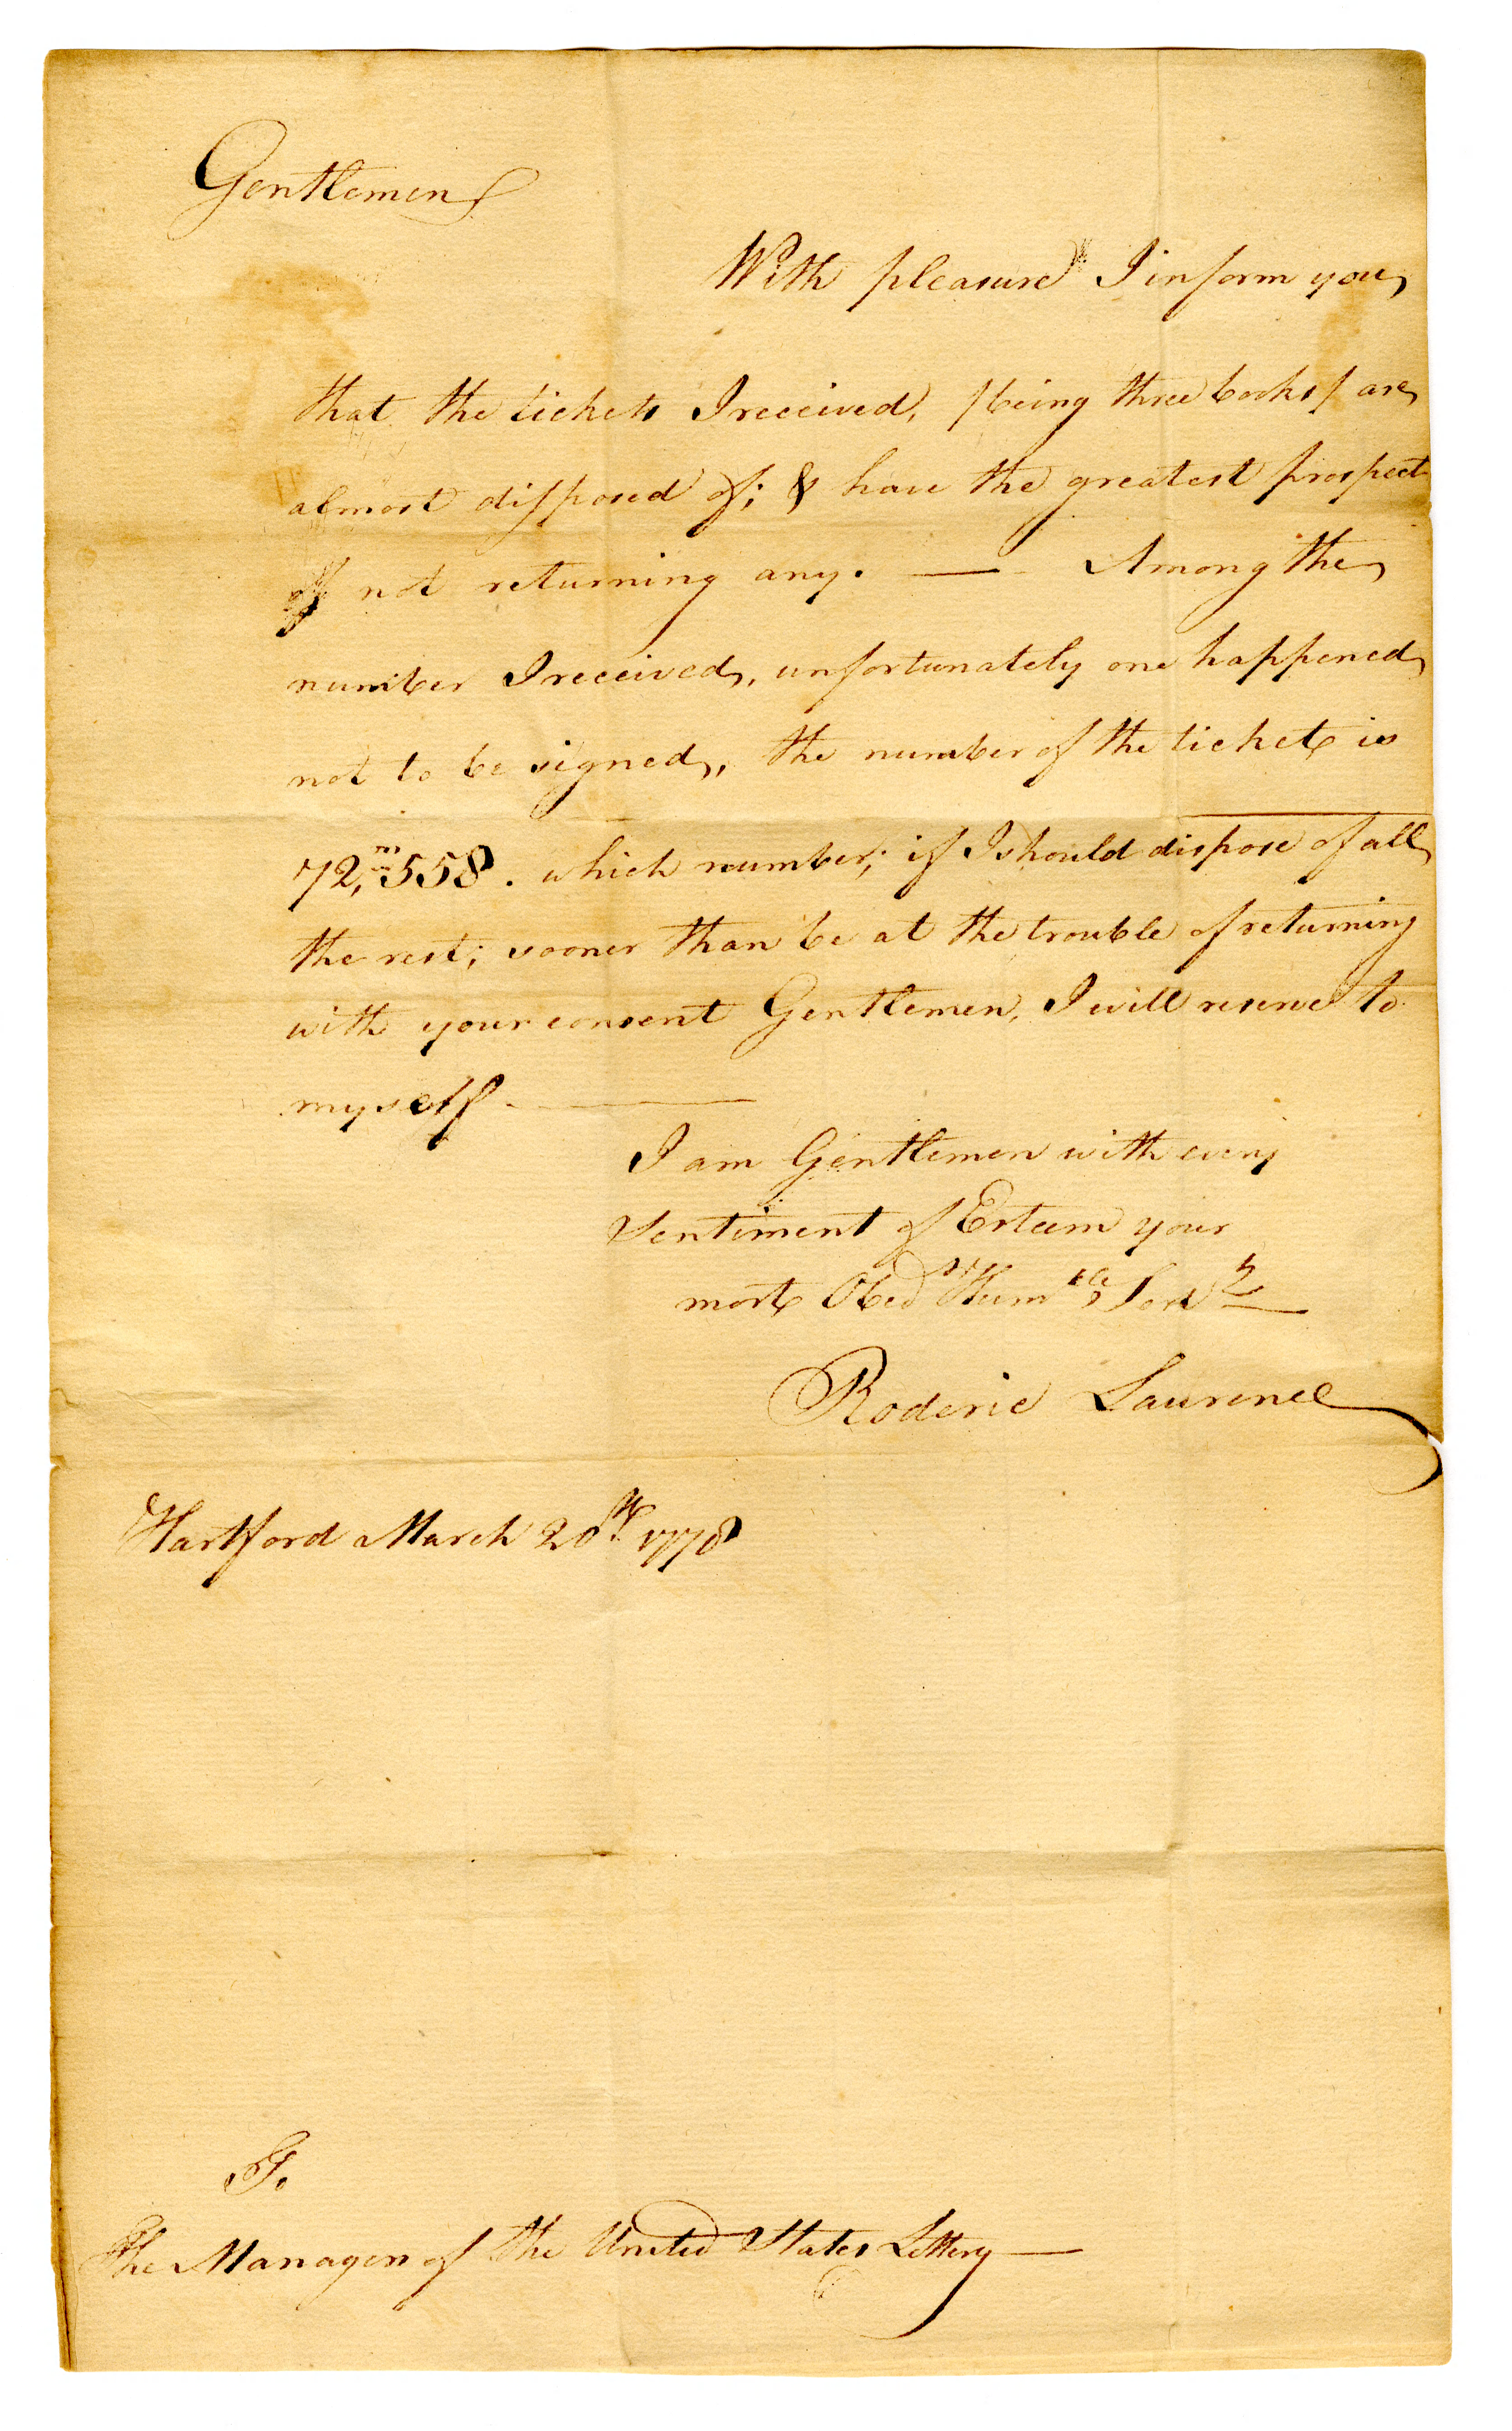Gentlemen
With pleasure I inform you
that the tickets I received, /being three books/ are
almost disposed of; & I have the greatest prospect
of not returning any.- Among the
number I received, unfortunately one happened
not to be signed, the number of the ticket is
72,^m558. which number; if I should dispose of all
the rest; sooner than be at the trouble of returning
with your consent Gentlemen, I will reserve to
myself.-
I am Gentlemen with every
Sentiment of Esteem your
most Obed^t Hum^ble Serv^t-
Roderic Lawrence
Hartford March 20^th 1778
To
The Managers of the United States Lottery-